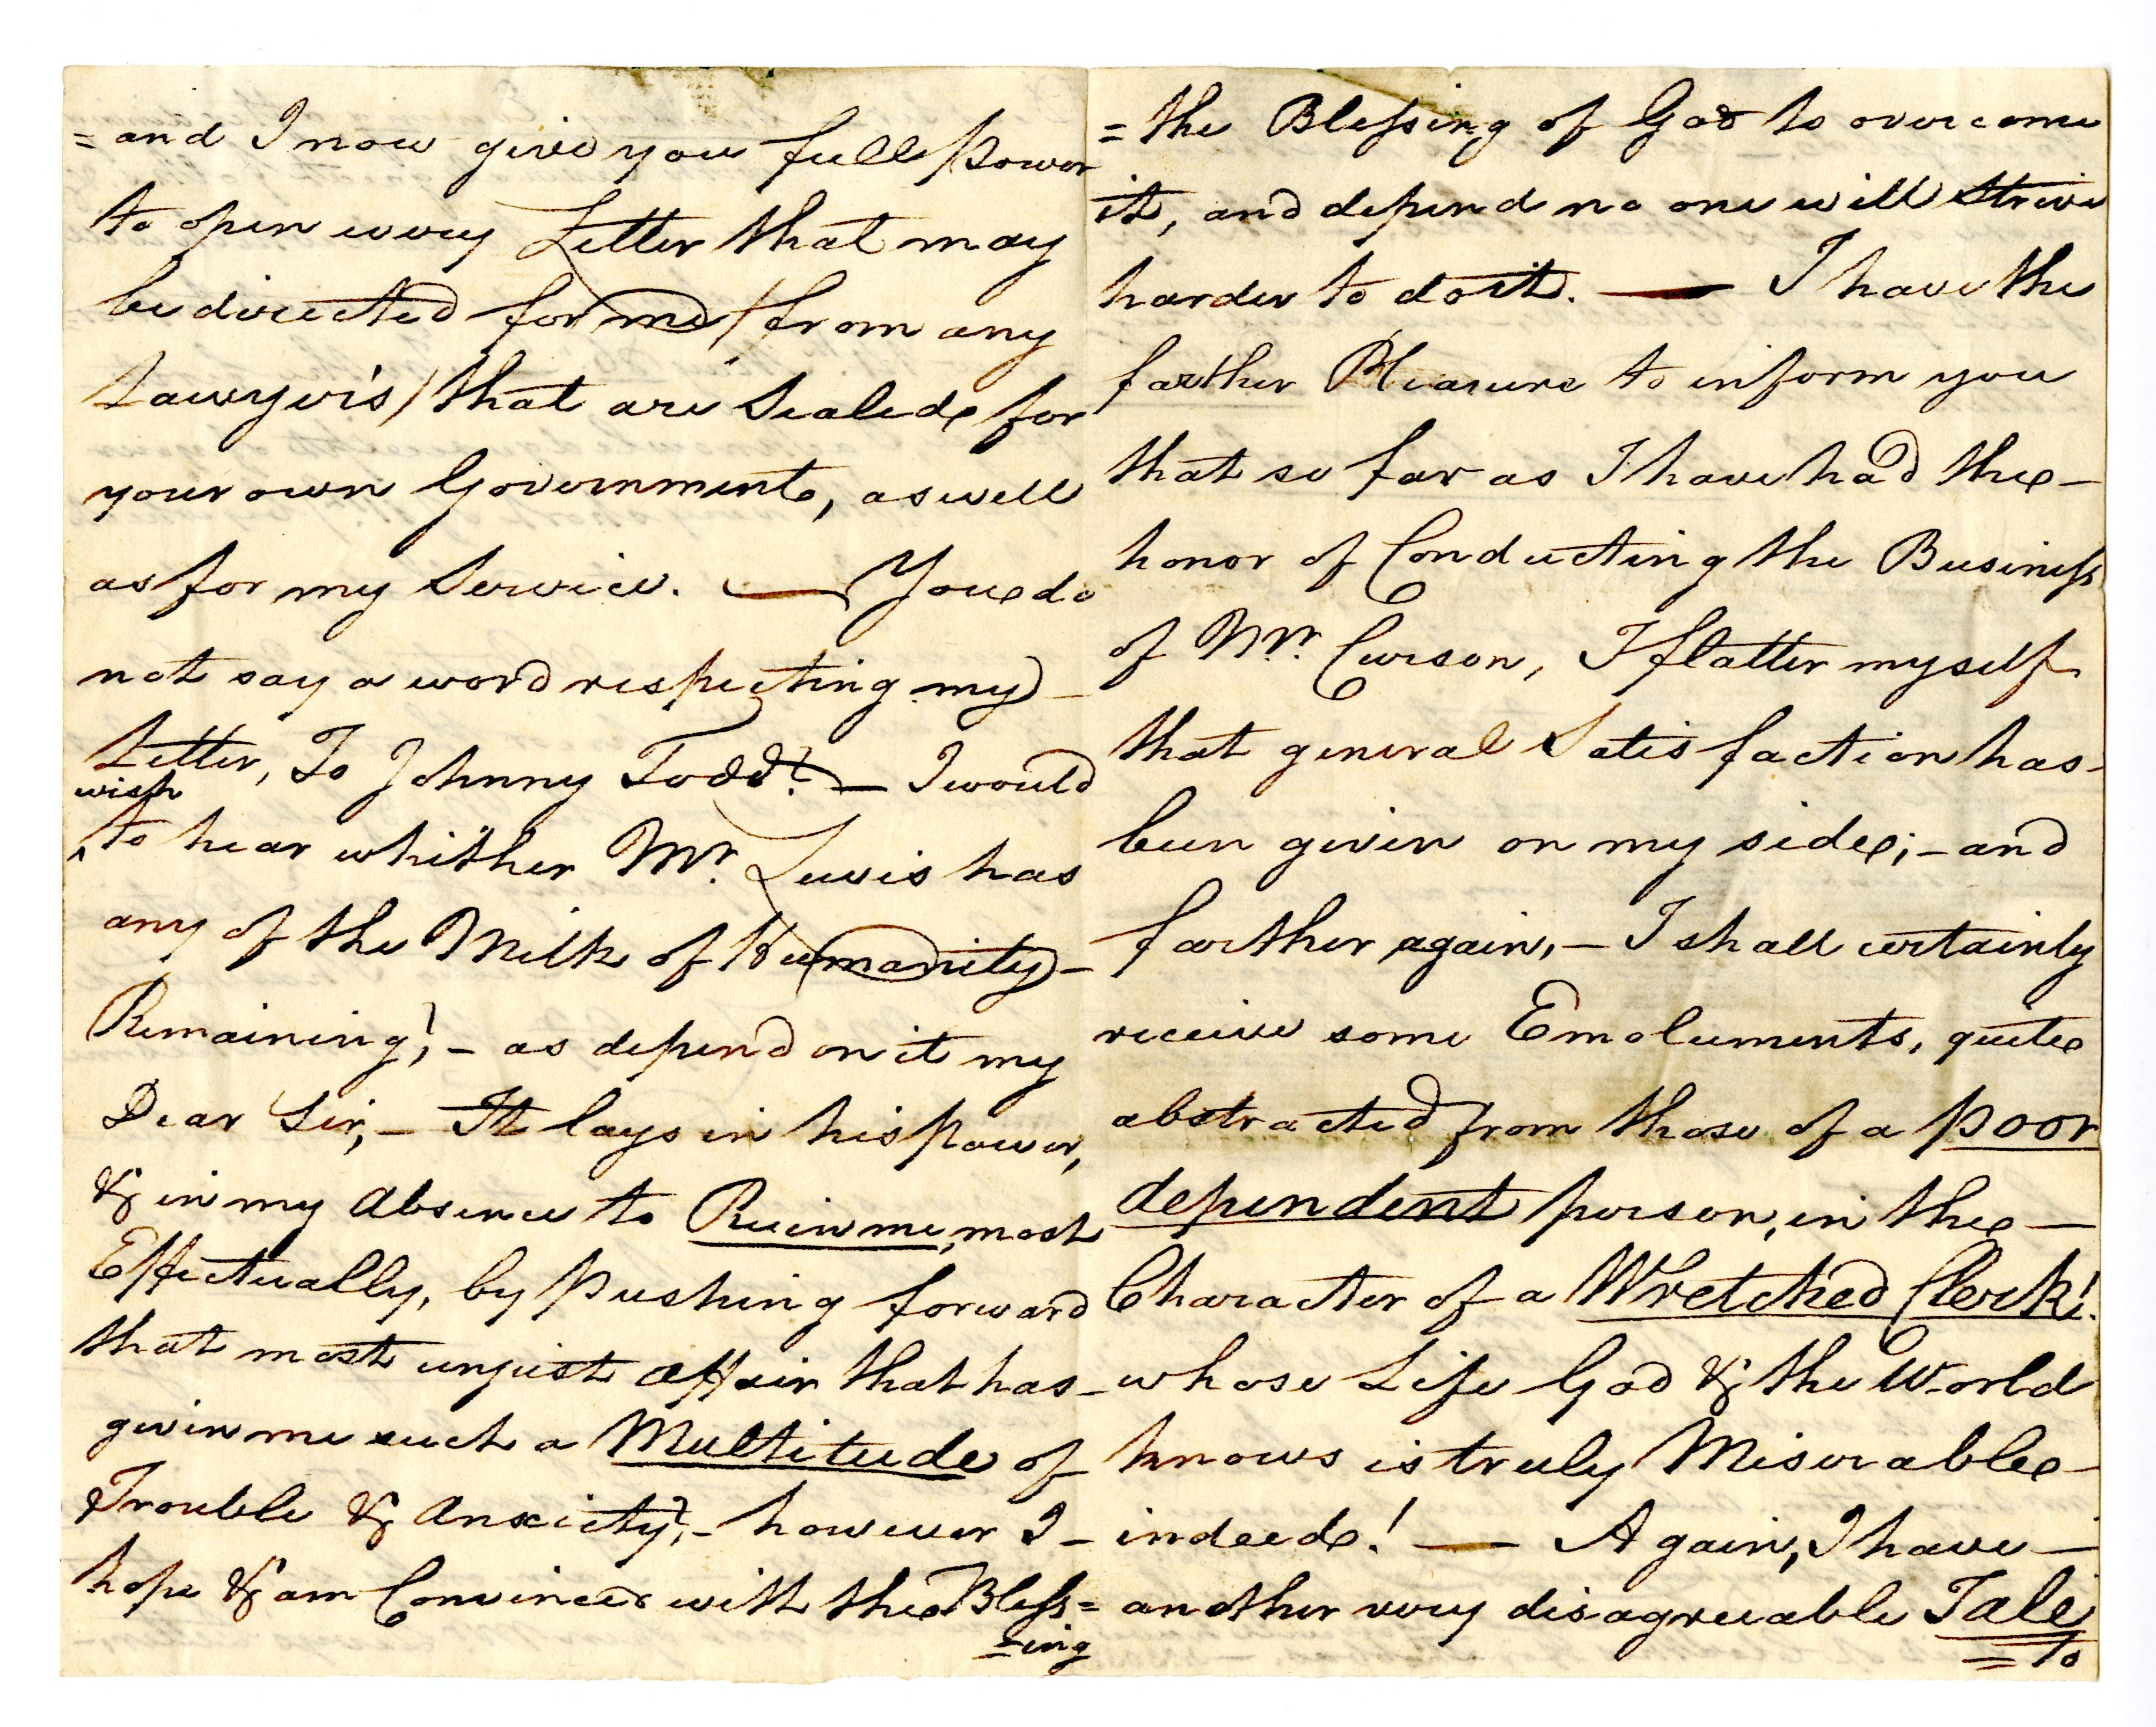and I now give you full power
to open ever Letter that may
be directed for me /from any
Lawyer's/ that are sealed for
your own Government, as well
as for my Service.- You do
not say a word respecting my
Letter, to Johnny Todd?- I would
wish
^ to hear whither M^r. Lewis had
any of the milk of Humanity
Remaining;- as depend on it my
Dear Sir;- It lays in his power
& in my Absence to Ruin me mail
effectually, by Pushing forward
that most unjust affair that has
given me such a multitude of
trouble & anxiety?- however I
hope & am Convinced with the Bless-
-ing
-the Blessing of God to overcome
it, and depend no one will strive
harder to do it.- I have the
farther Pleasure to inform you
that so far as I have had the-
honor of Conducting the Business
of M^r. Carson, I flatter myself
that general satisfaction has
been given on my side;- and
farther again,- I shall certainty
receive some Emoluments, quite
abstracted from those of a poor
dependent person, in the-
Character of a Wretched Clerk!
whose Life God & the World
knows is truly miserable-
indeed!- Again, I have-
another very disagreeable Tale
to